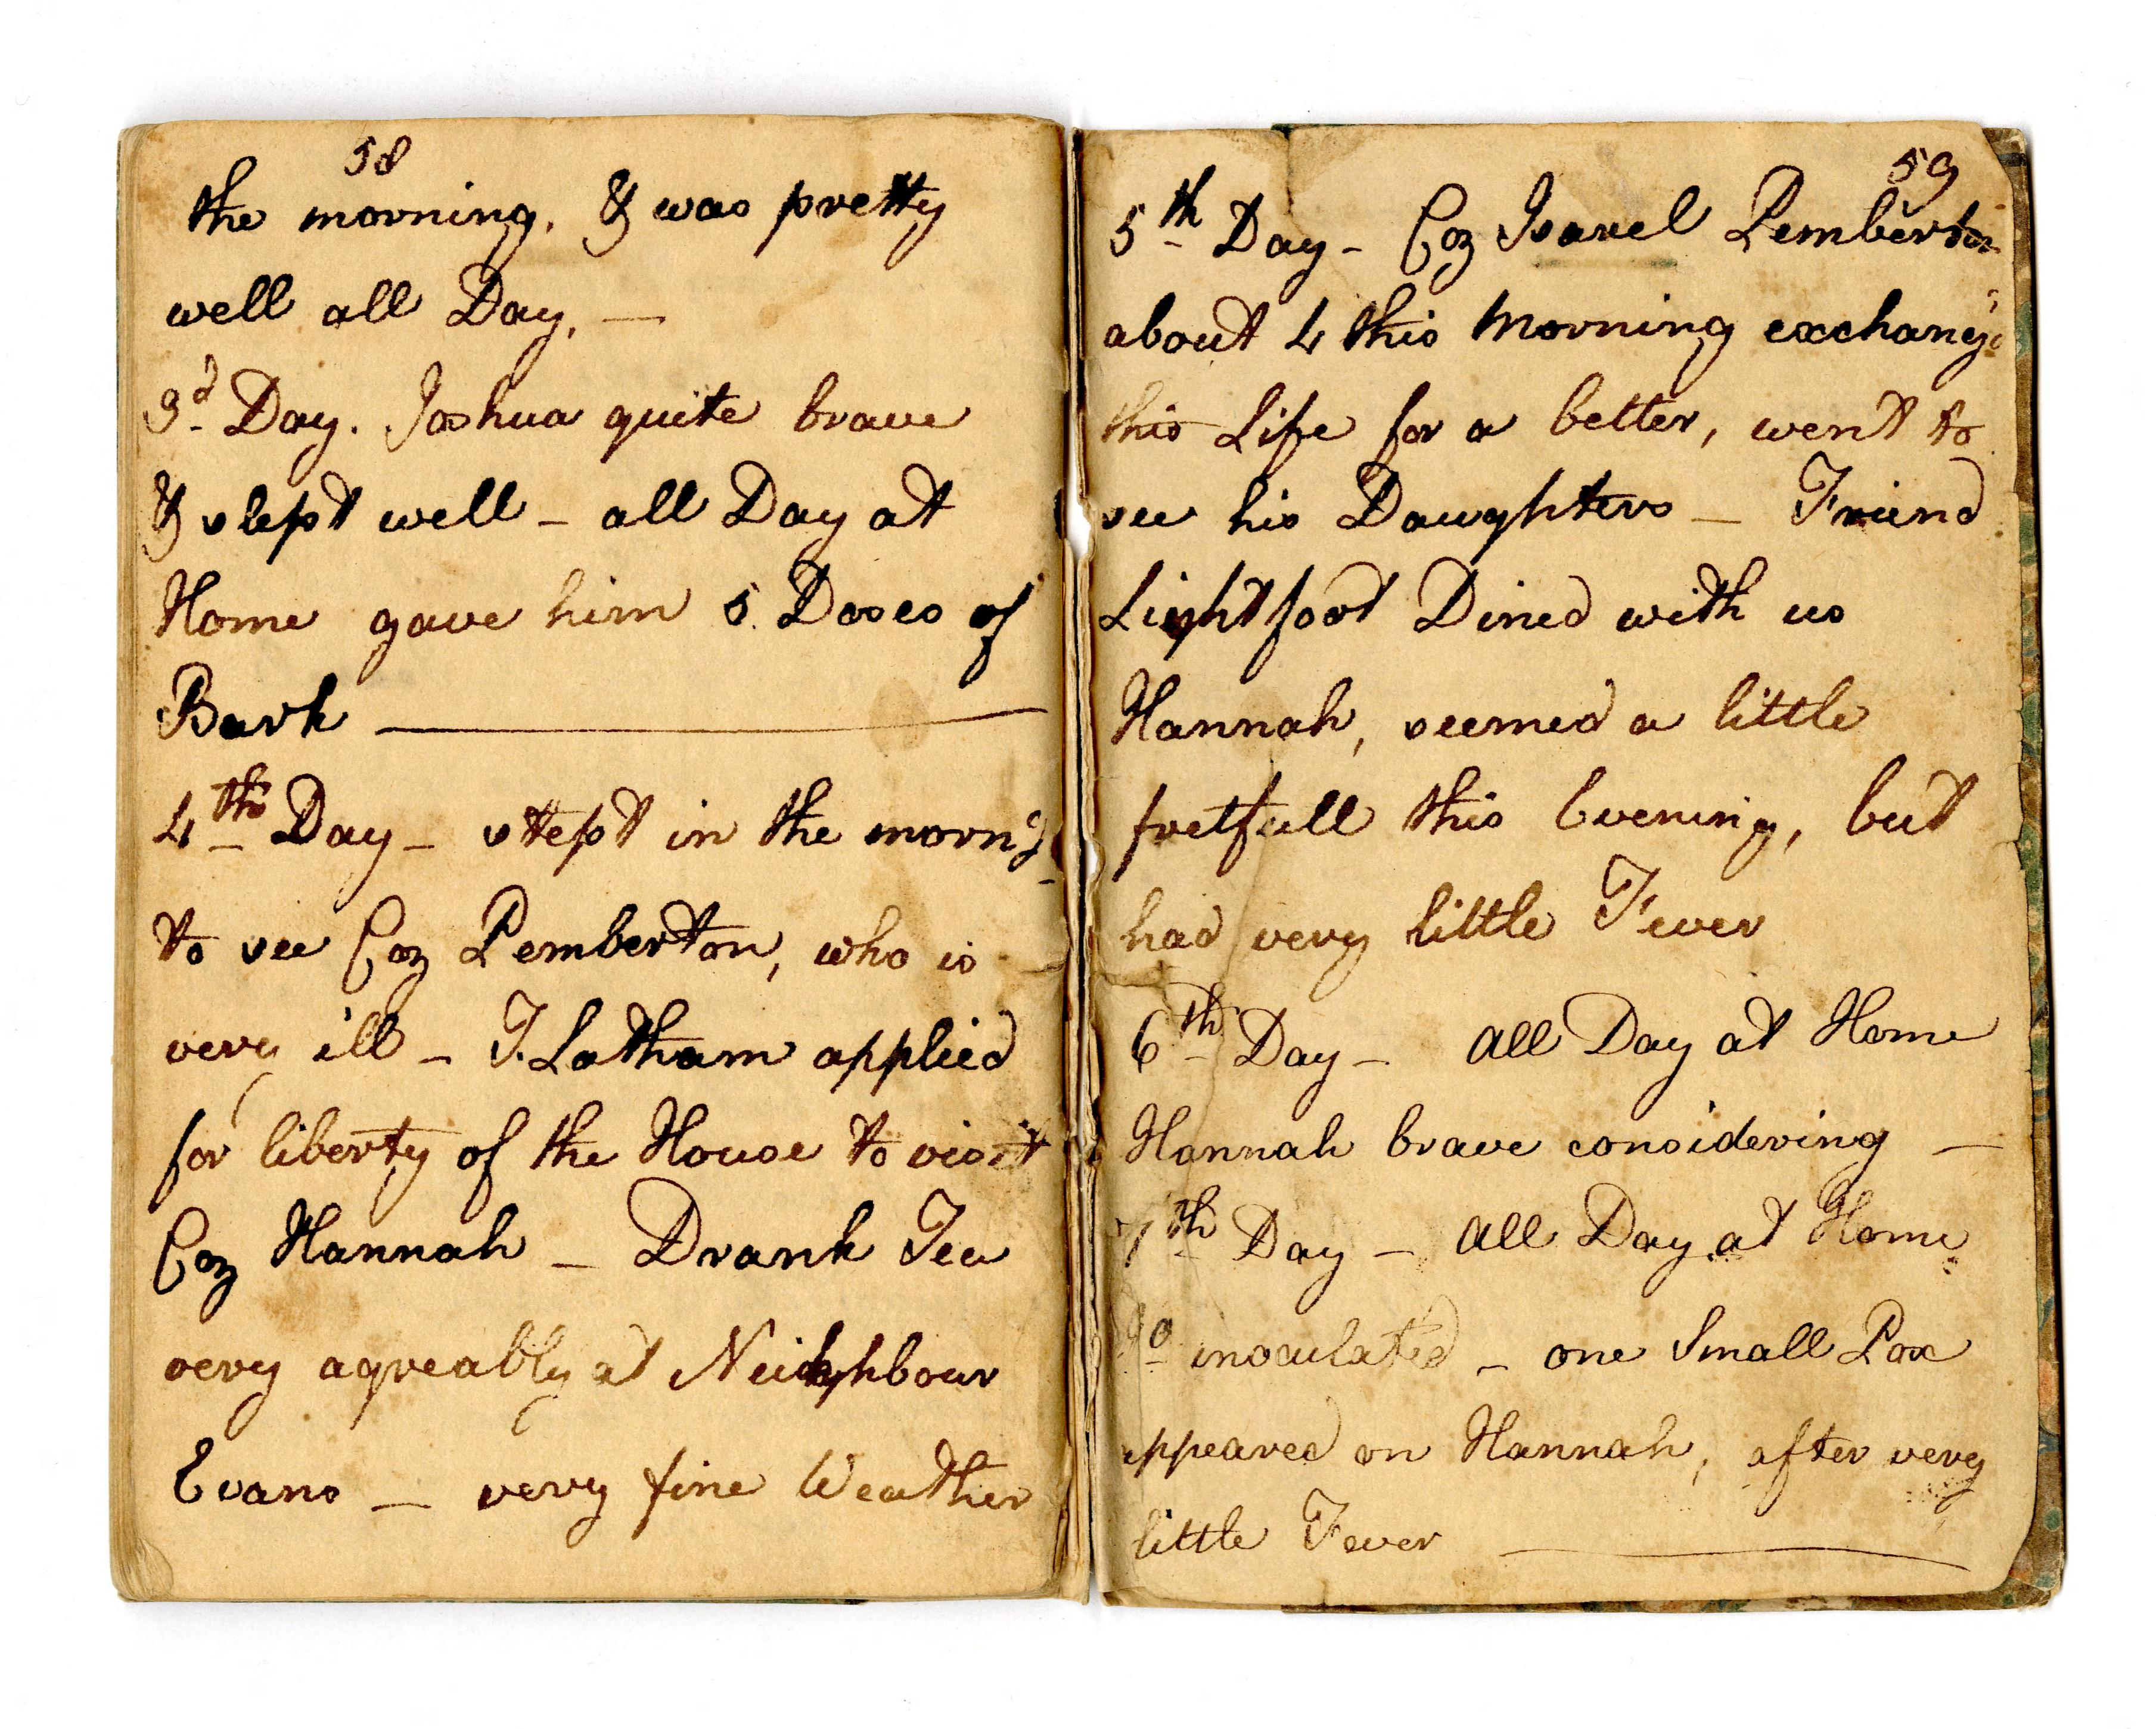58
the morning, & was pretty
well all Day,-
3^d. Day. Joshua quite brave
& slept well- all Day at
Home gave him 5 Doses of
Bark-
4^th Day- stept in the morn^g
to see Coz Pemberton, who is
very ill- T. Lotham applied
for liberty of the House to visit
Coz Hannah- Drank Tea
very agreably at Neighbour
Evans- very fine Weather
59
5^th Day- Coz Isarel Pemberton
about 4 this morning exchang'd
this Life for a better, went to
see his Daughters- Friend
Lightfoot Dined with us
Hannah, seemed a little
fretfull this Evening, but
had very little Fever
6^th Day- All Day at Home
Hannah brave considering-
7^th Day- All Day as Home
- inoculated- one Small Pox
appeared on Hannah, after very
little Fever